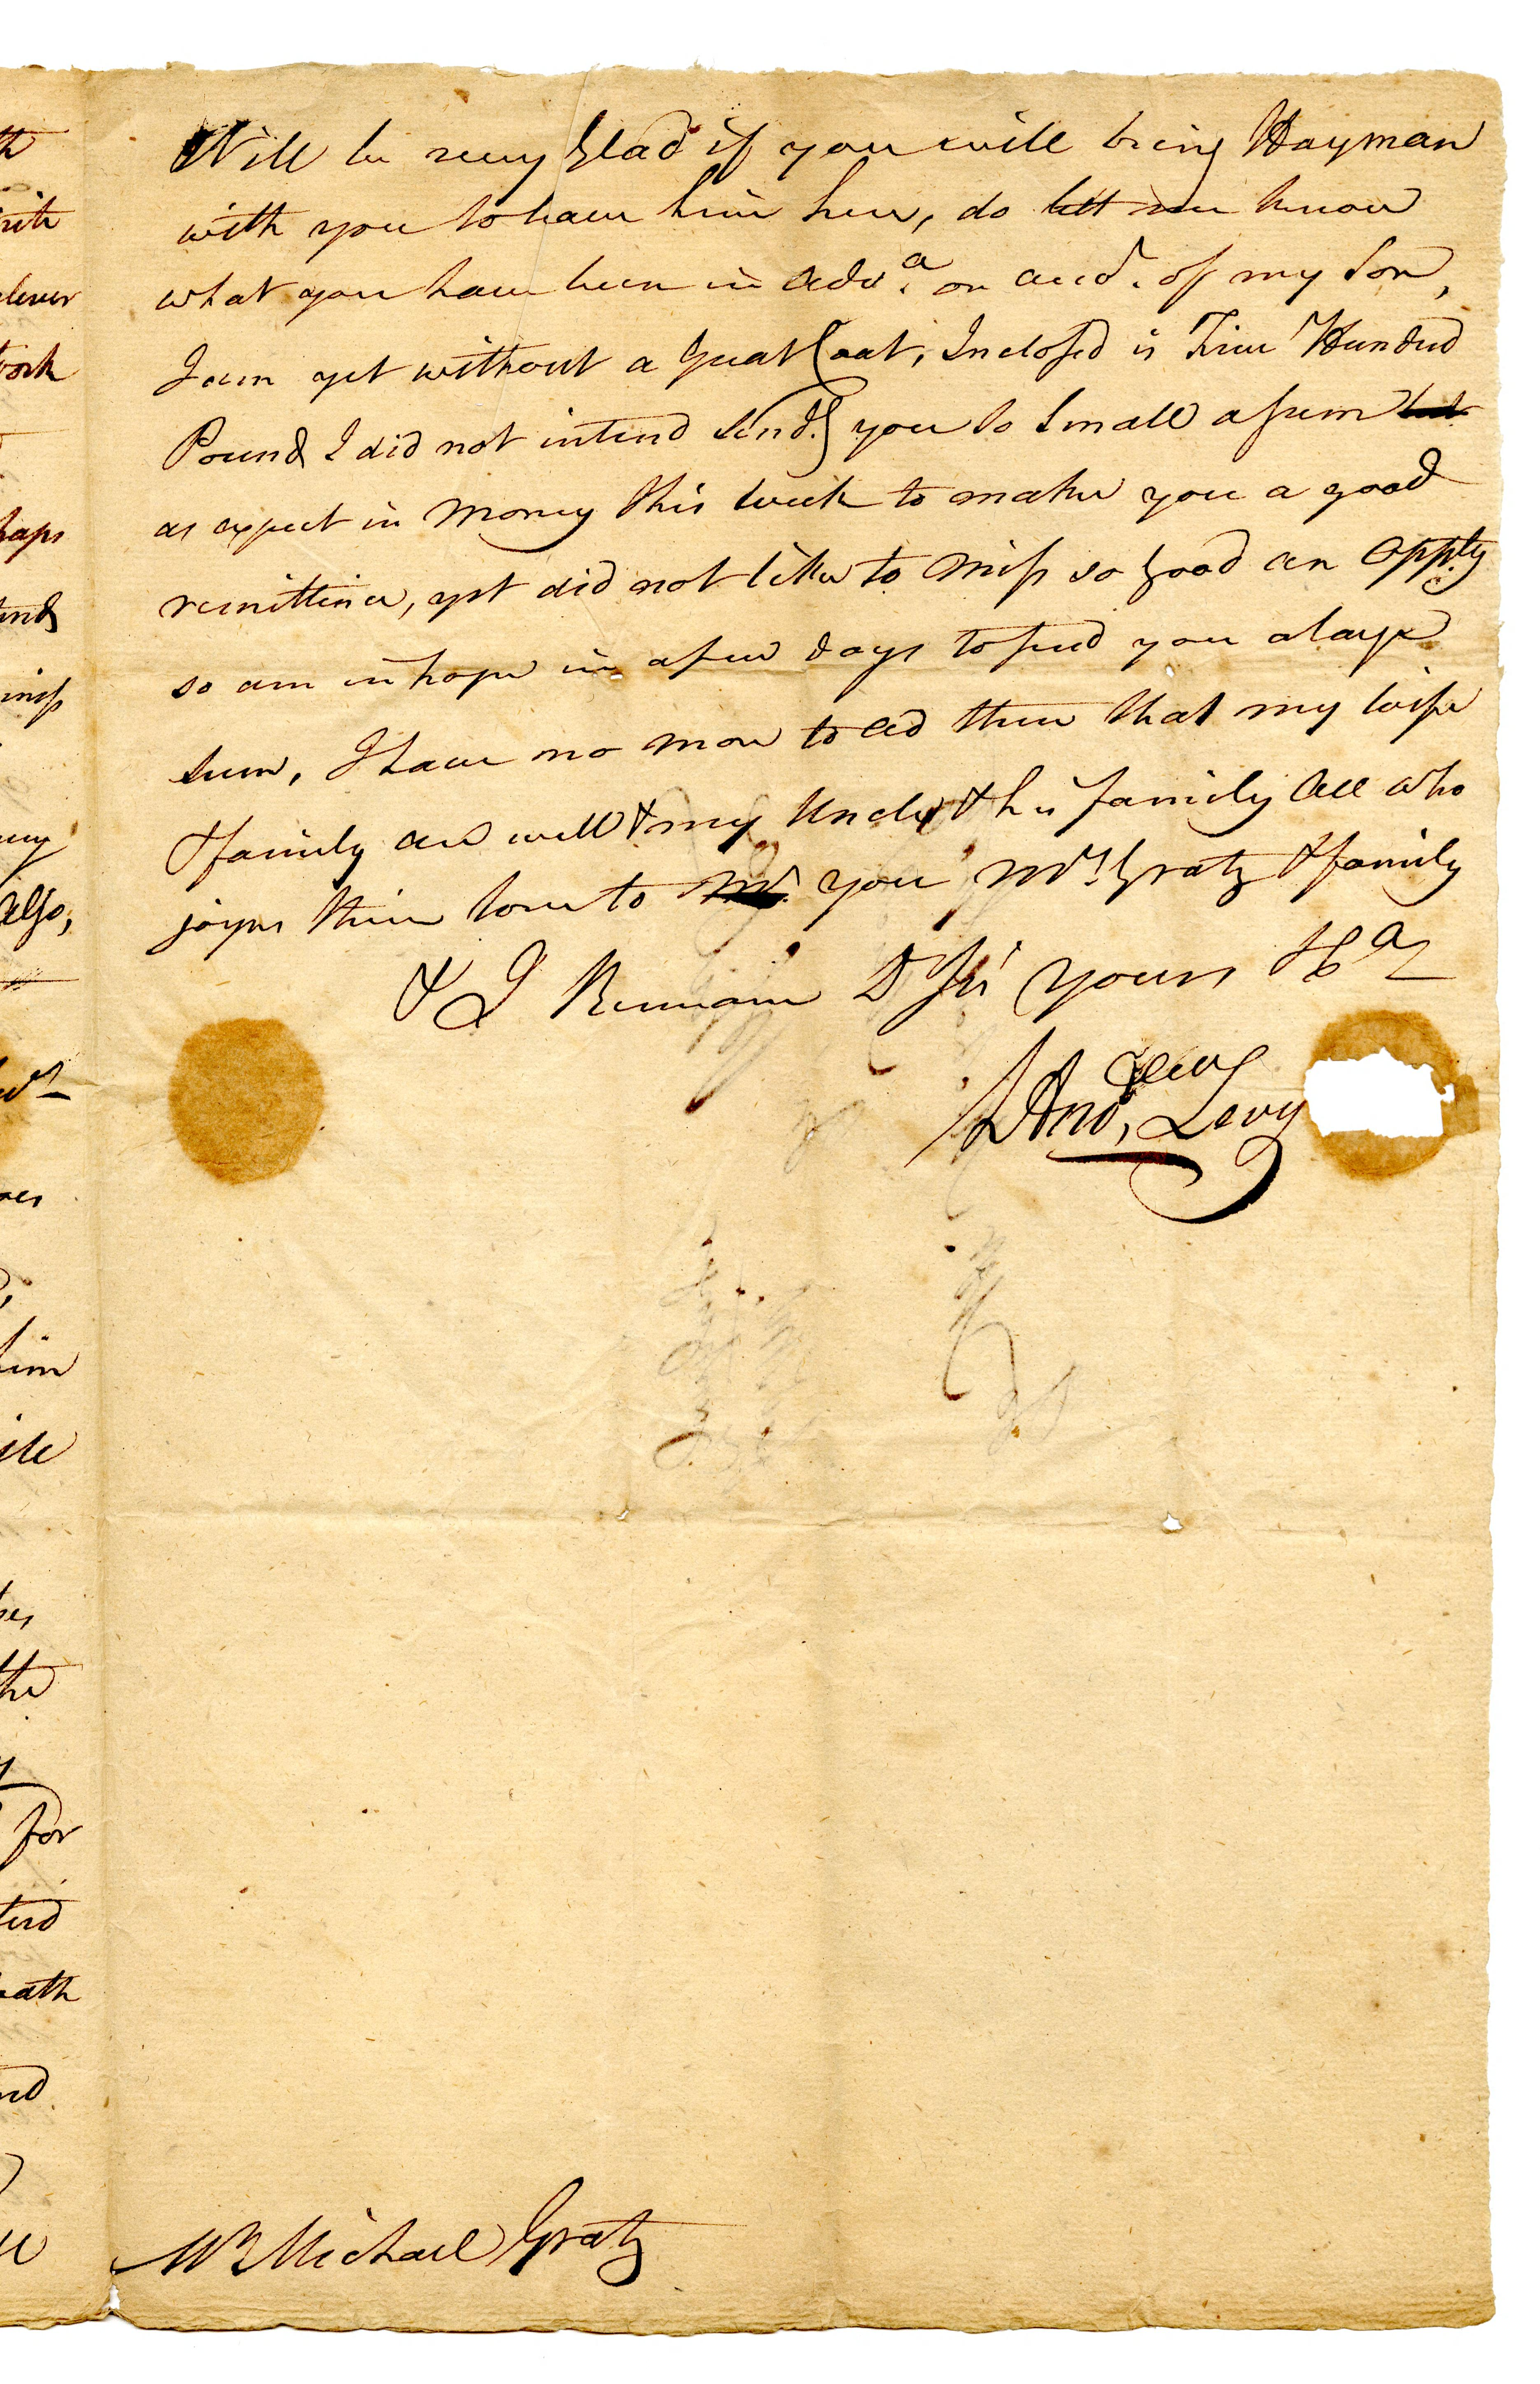Will be very Glad if you will bring Hayman
with you to have him here, do lett me know
what you have been in occ^a. on acco^t of my son,
I am yet without a great Coat, Inclosed is five Hundred
Pound I did not intend send^g. you so small a sum [but]
as expect in money this week to make you a good
remittence, yet did not like to miss so good an opp^ty
so am in hope in a few days to send you a large
sum, I have no more to ad then that my wife
& family are well & my^ Uncle & his family All who
joyns their love to [M^r] you M^rs Gratz & family
& I Remain D^r sir Yours H^e
And^rew Levy
M^r Michael Gratz